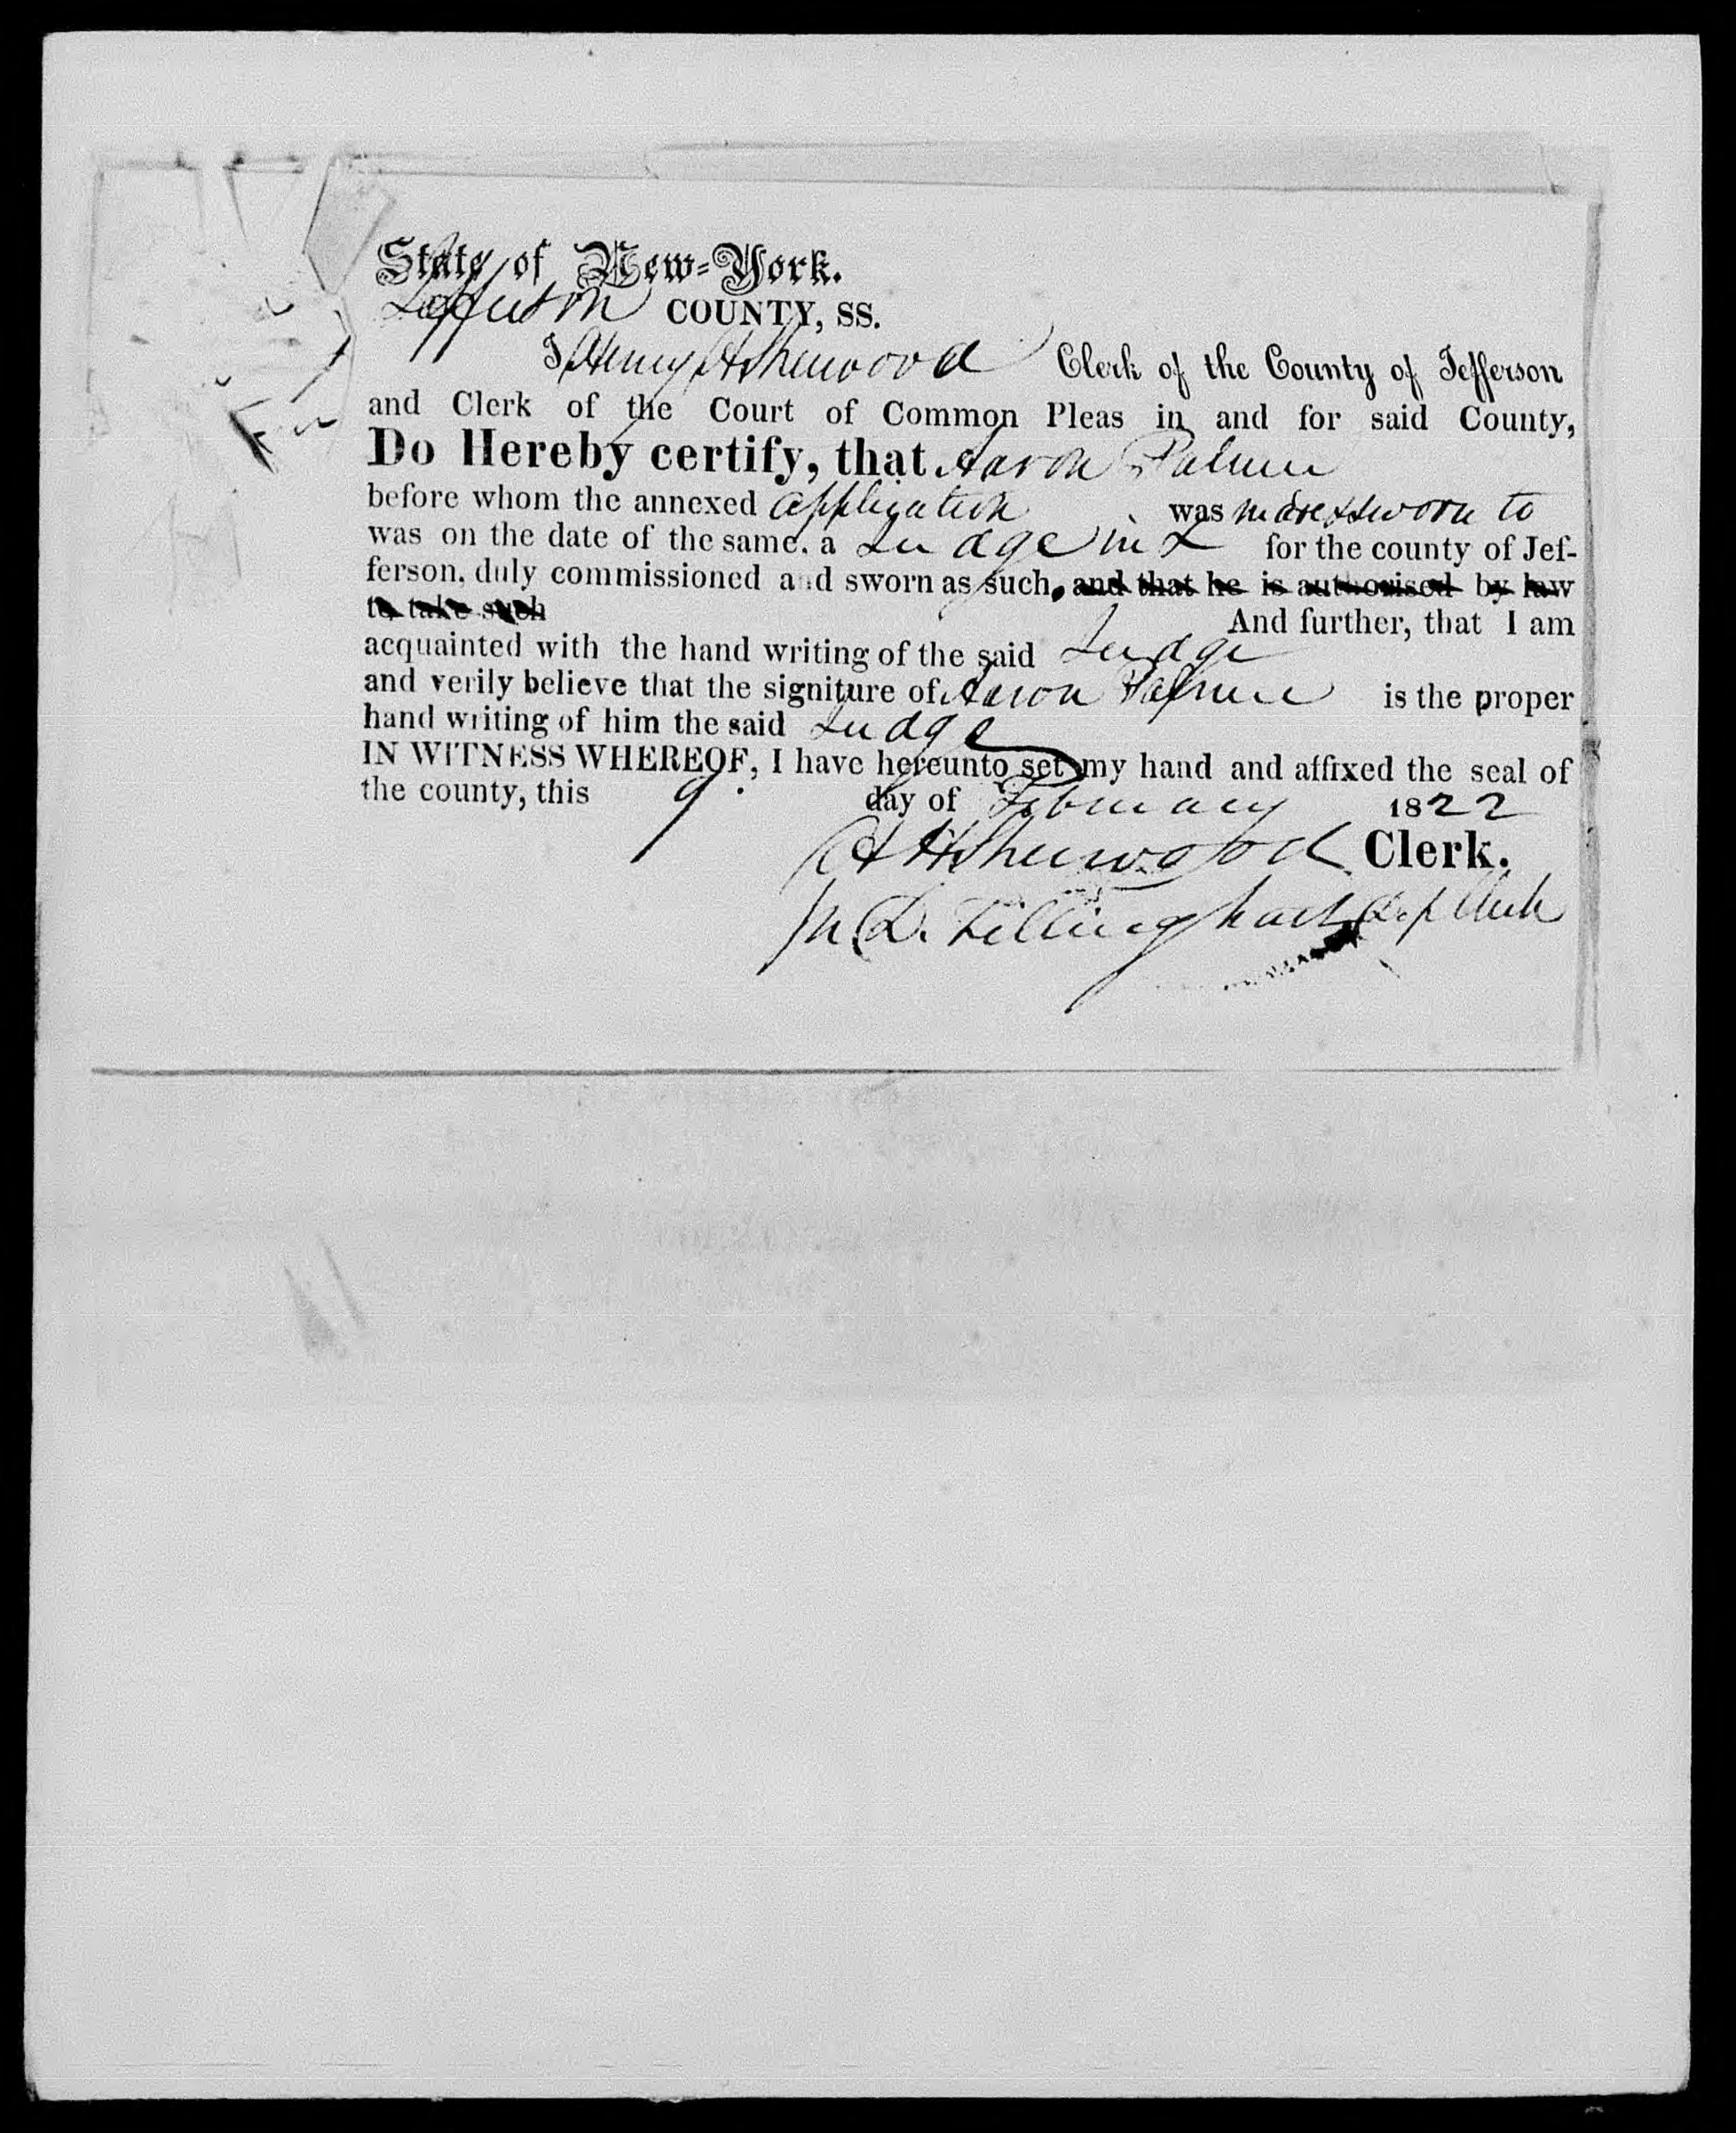State of New York.
Jefferson COUNTY, SS.
I Henry H Sherwood Clerk of the County of Jefferson and Clerk of the Court of Common Pleas in and for said County, Do Hereby certify, that, Aaron Palmer before whom the annexed application was made and sworn to was on the date of the same, a Judge in X for the county of Jefferson, duly commissioned and sworn as such, And further, that I am acquainted with the hand writing of the said Judge and verily believe that the signiture [signature] of Aaron Palmer is the proper hand writing of him the said Judge IN WITNESS WHEREOF, I have hereunto set my hand and affixed the seal of the county, this 9 day of February 1822
H H Sherwood Clerk.
Ju D. Tillinghast Dep Clerk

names: Aaron Palmer, D Tillinghast, Henry H Sherwood, H H Sherwood, Aaron Palmer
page: 9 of 46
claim: widow's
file: W. 23022, Thomas Farr, N.H.